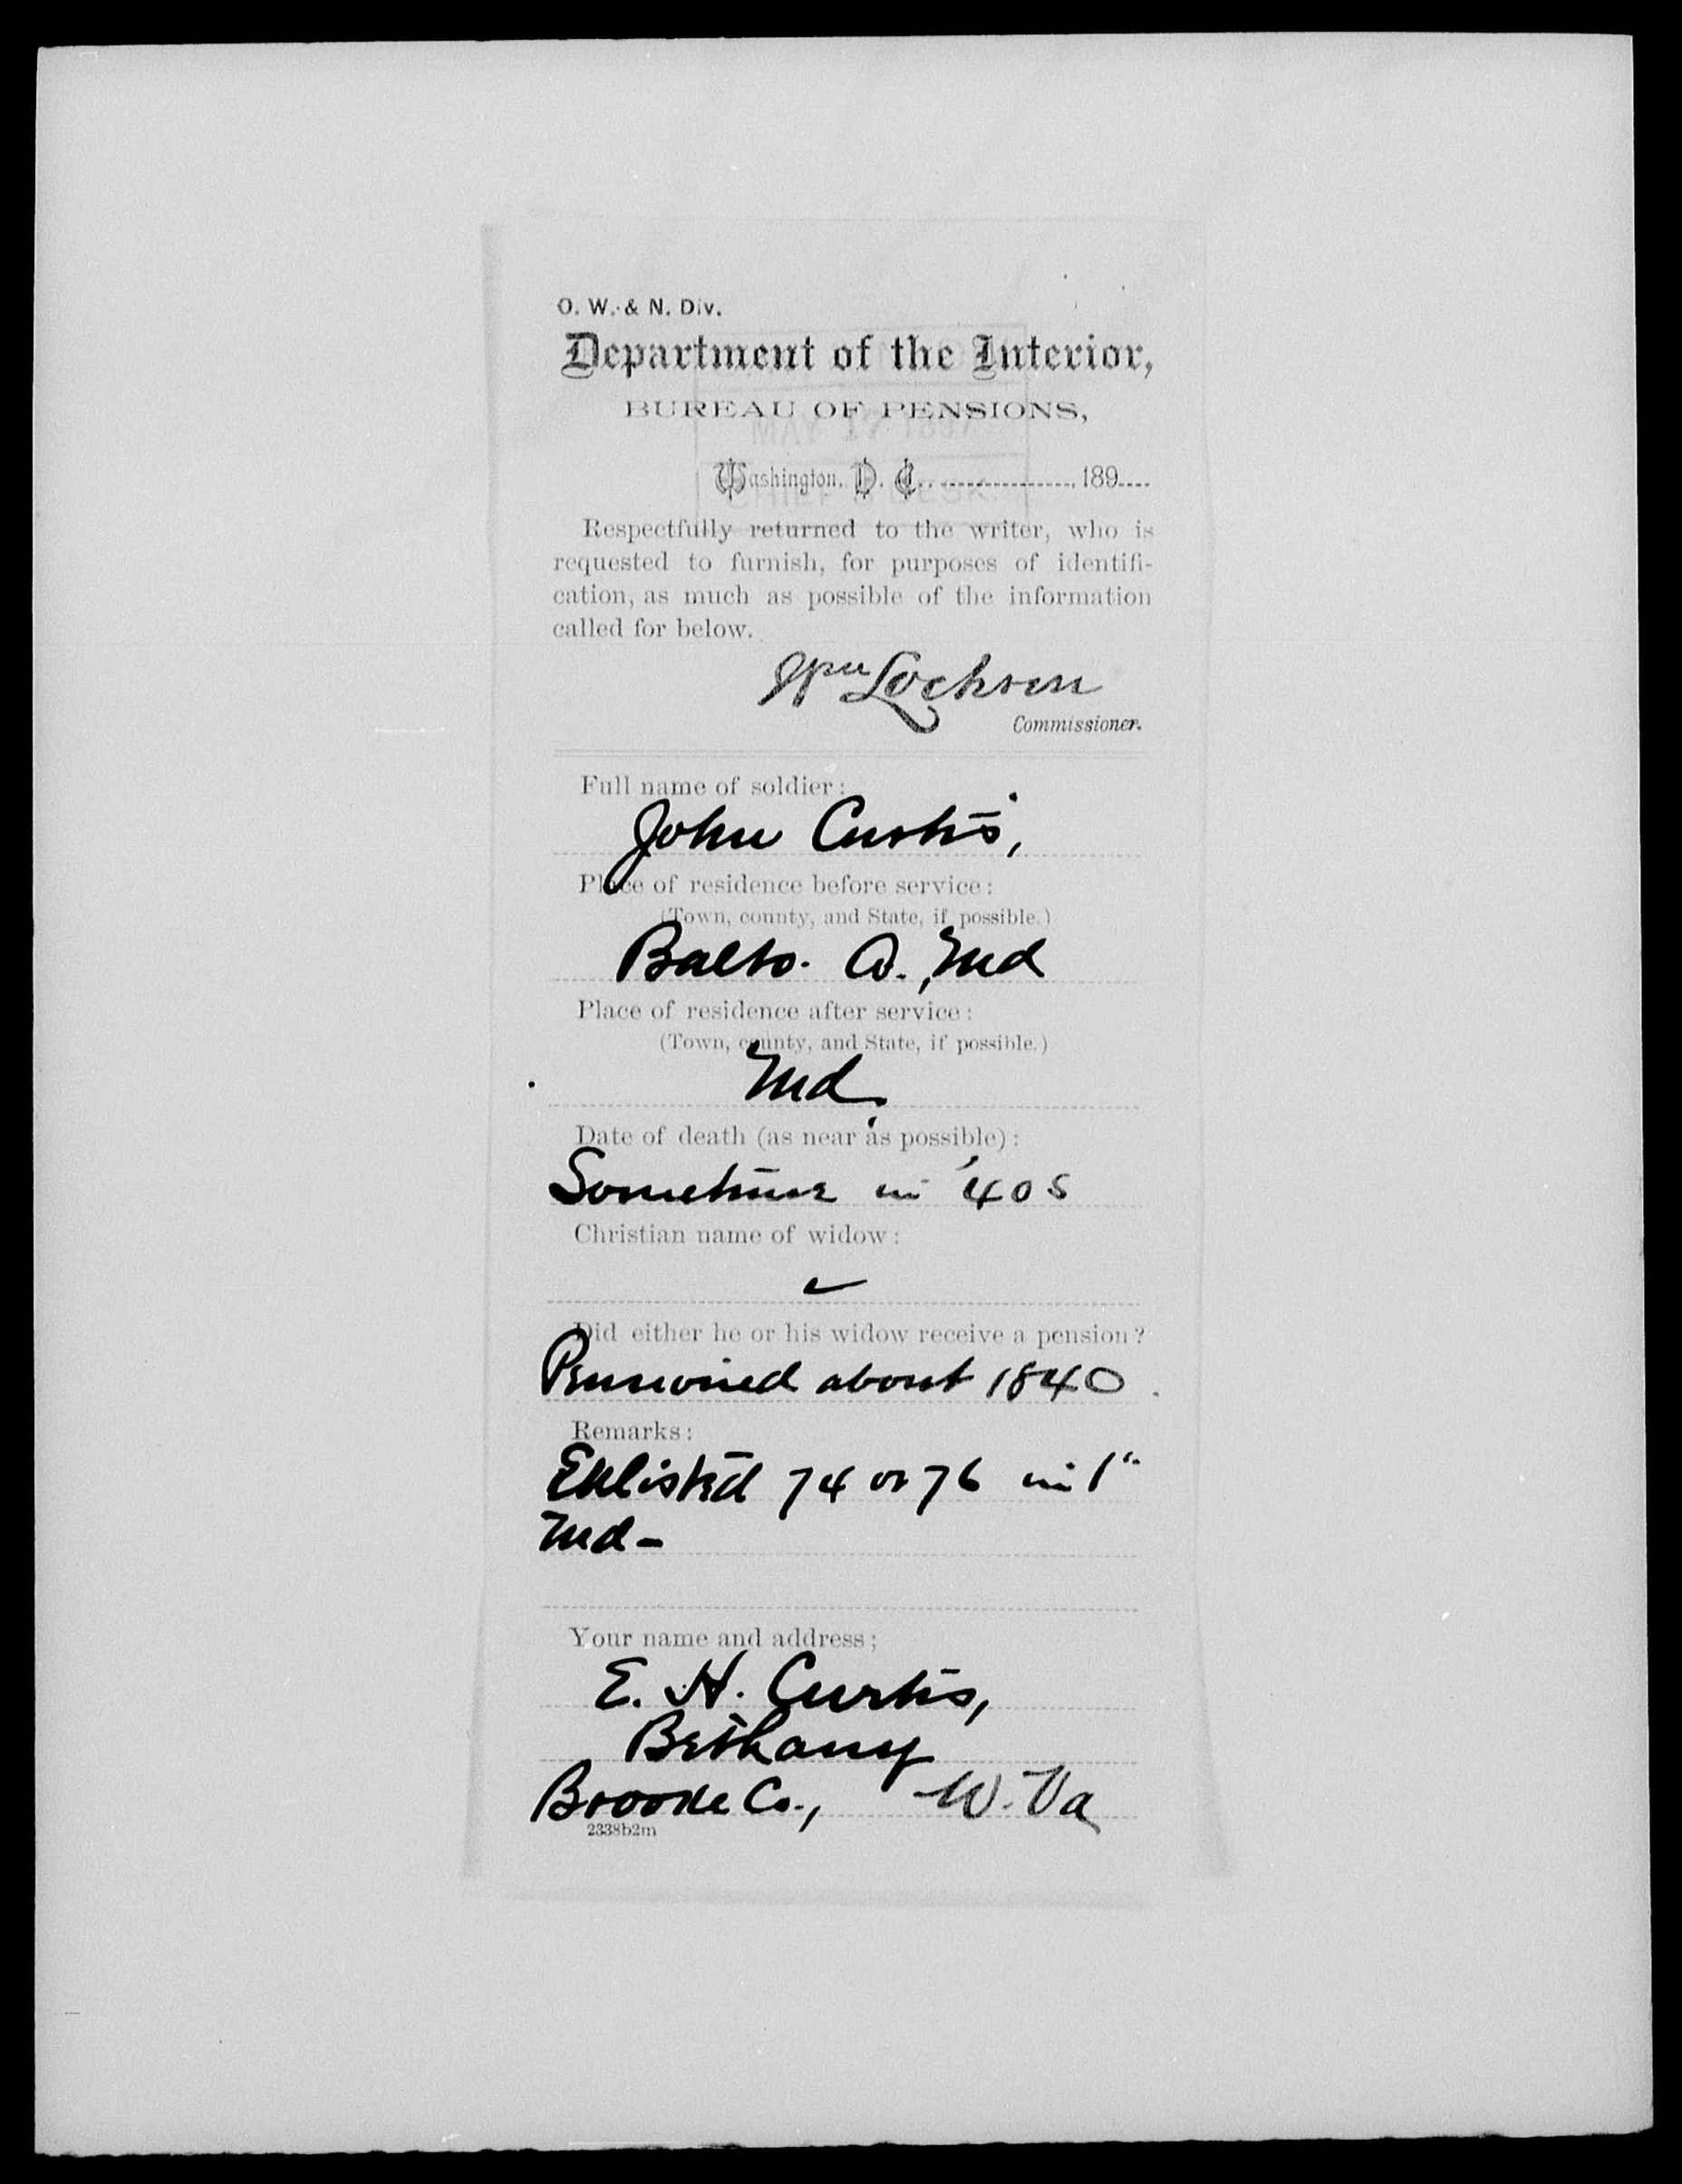O. W. & N. Div.
Department of the Interior,
BUREAU OF PENSIONS,
Washington. D. C.   189

Respectfully returned to the writer, who is requested to furnish, for purposes of identification, as much as possible of the information called for below.
Wm Lockson   Commissioner.

Full name of soldier:   John Curtis
Place of residence before service:   Town, county, and State, if possible.)
Balto. A., Md
Place of residence after service:   (Town, county, and State, if possible.) and Date of death (as near as possible):
Sometime in '40s
Christian name of widow:  
[blank]
Did either he or his widow receive a pension?
Pensioned about 1840
Remarks:
Enlisted 74 or 76 in 1st Md-

Your name and address;
E. H. Curtis,
Bethany
Brooke Co. W. Va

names: John Curtis, E H Curtis, Wm Lochren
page: 11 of 26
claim: survivor's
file: S. 34,725, John Curtis, Md.